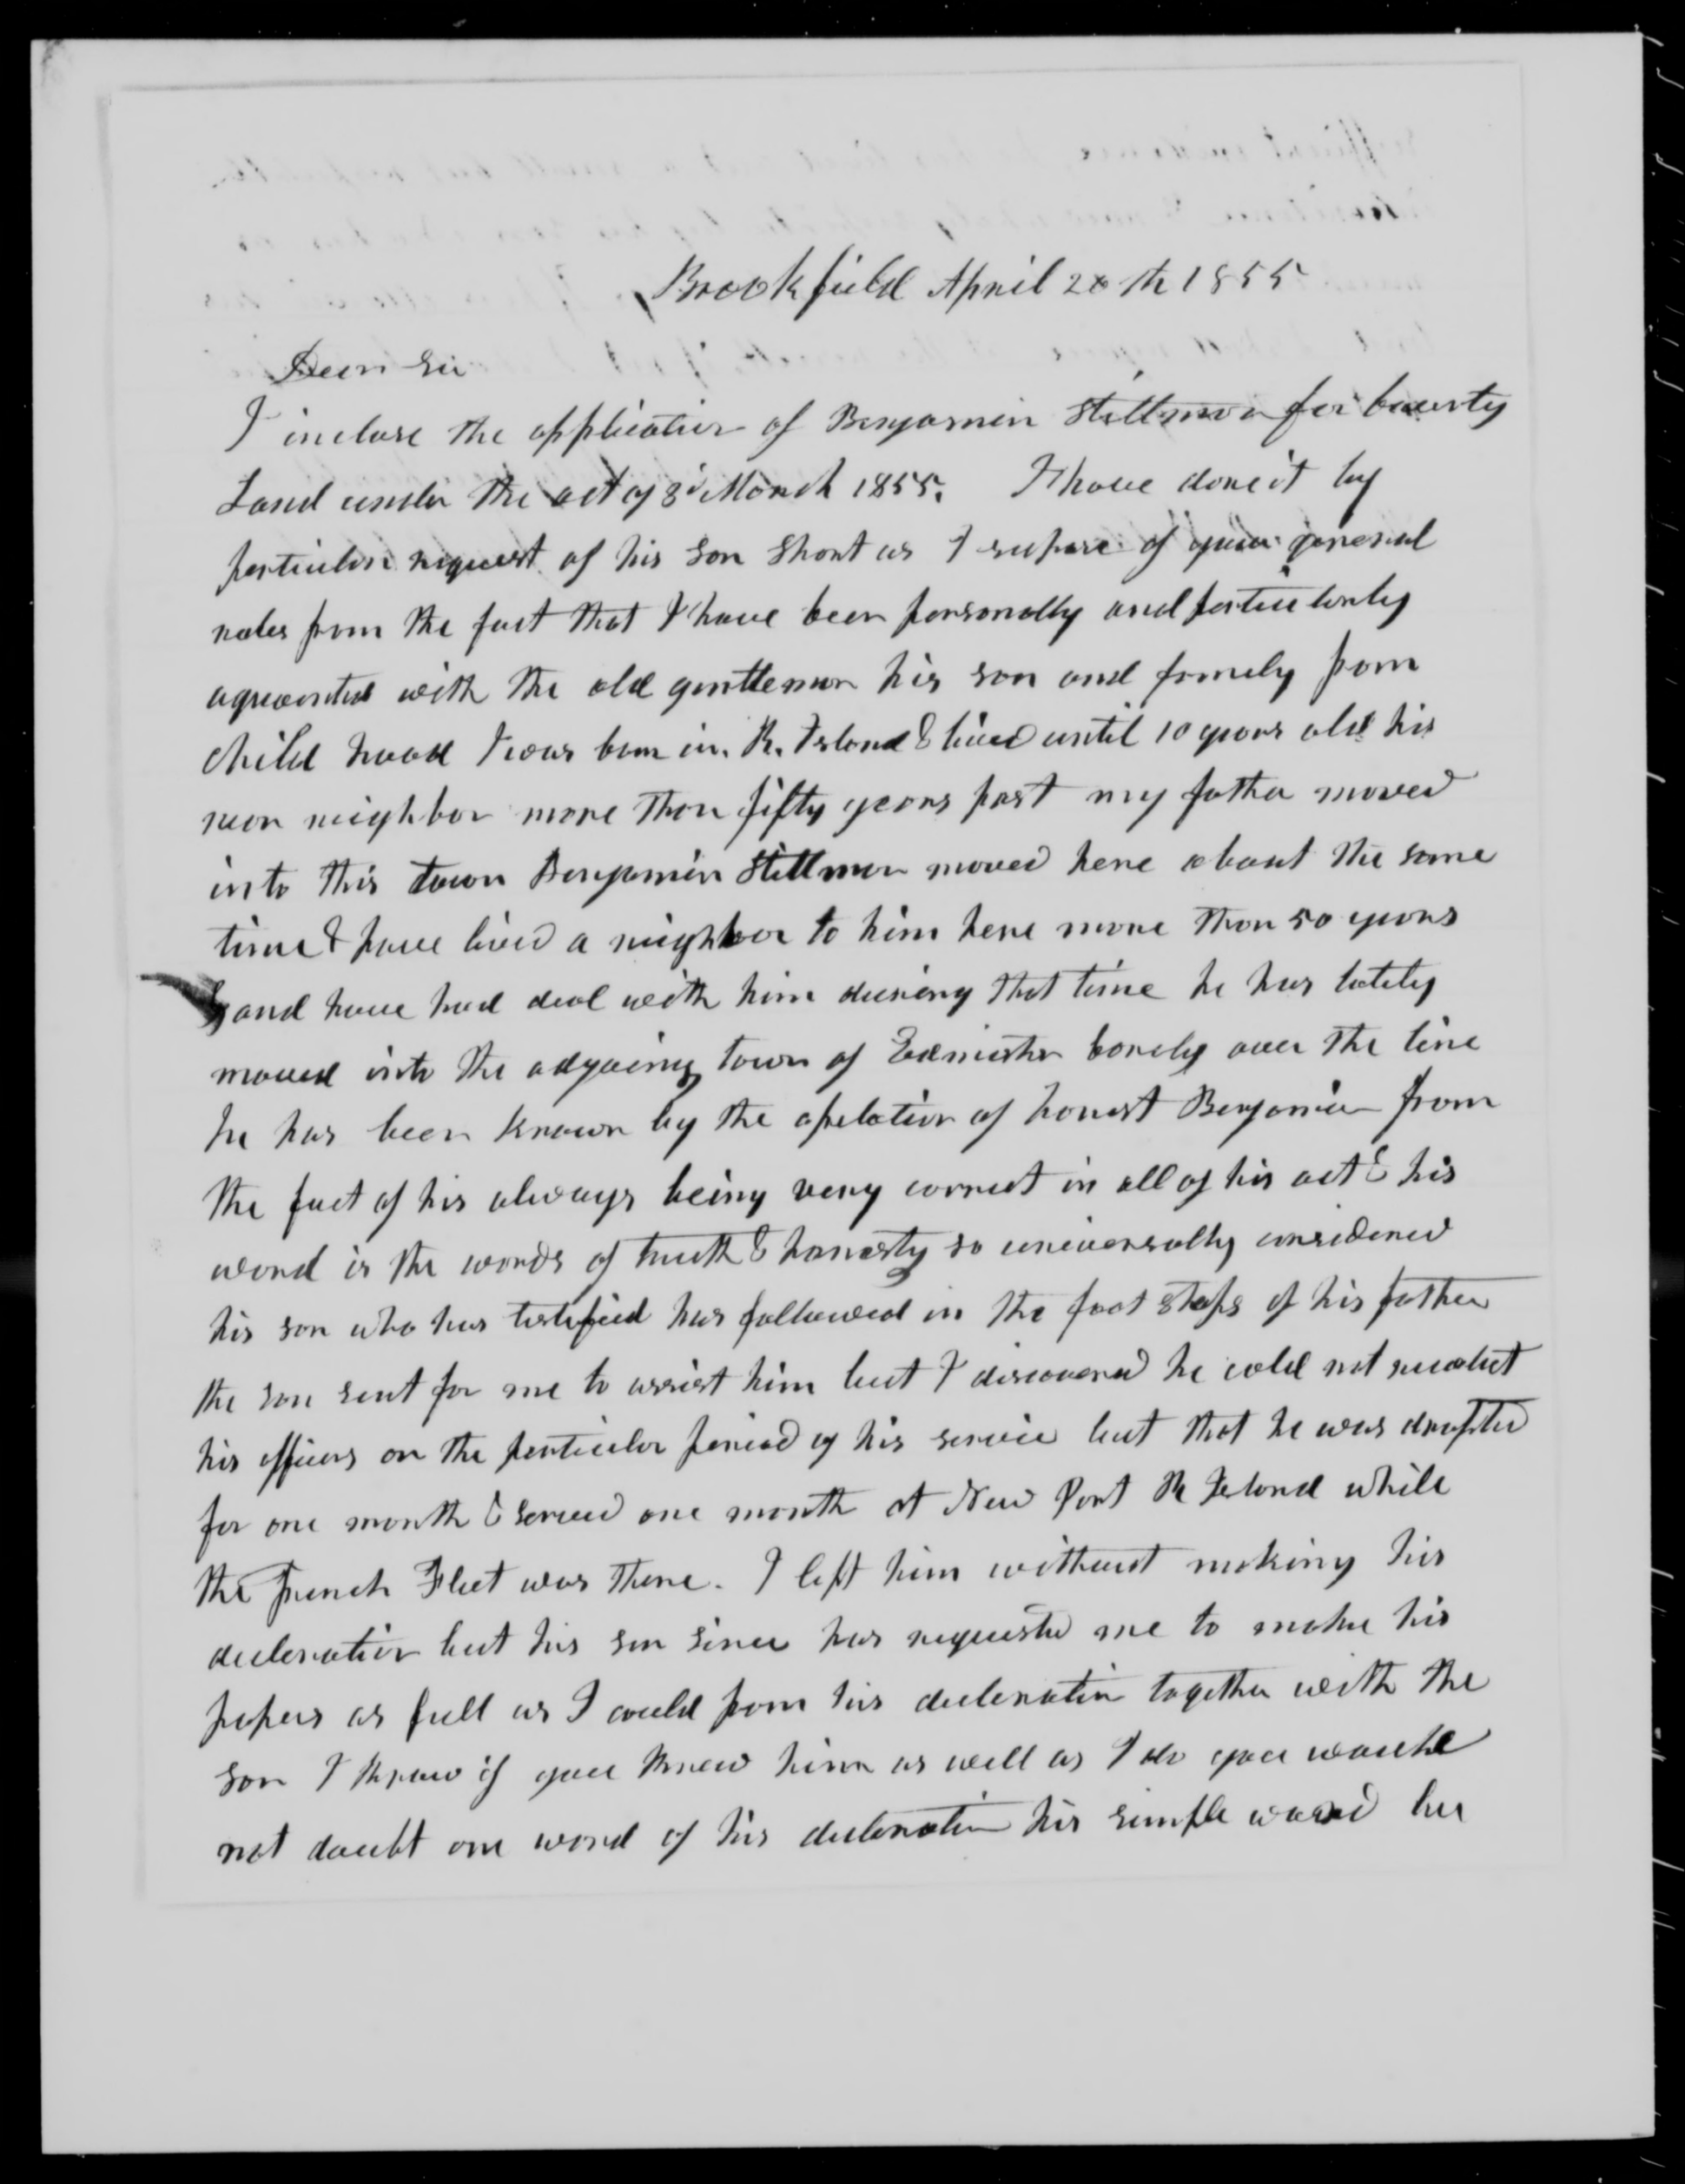Brookfield April 20th 1855 
Dear Sir 
I inclose the application of Benjamin Stillman for bounty Land under the act of March 1855. I have done it by particular request of his son short as I suppose of your general notes from the first that I have been personally and fortunately acquainted with the old gentleman his son and family from child hood I was born in R. Island & lived until 10 years old his near neighbor more than fifty years past my father moved into this town Benjamin Stillman moved here about the same time & have lived a neighbor to him here more than 50 years and have had deal with him during that time he has lately moved into the adjoining town of Edmister lovely over the line In has been known by the appellation of honest Benjamin from the fact of his always being very correct in all of his act & his word is the words of truth & honesty so universally considered his son who has testified as followed in the footsteps of his father the son sent for me to assist him but I discovered he could not recollect his officers on the particular period of his service but that he was drafted for one month & served one month at New Port Reland while the French Fleet was there. I left him without making his declaration but his son since has requested me to make his papers as full as I could from his declaration together with the son I know if you knew him as well as I you would not doubt one word of his declaration his simple word here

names: Benjamin Stillmon; Benjamin [BLANK]; Benjamin Stillmon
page: 28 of 29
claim: bounty land warrant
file: B.L.Wt.47987-160-55, for Benjamin Stillman, Rhode Island